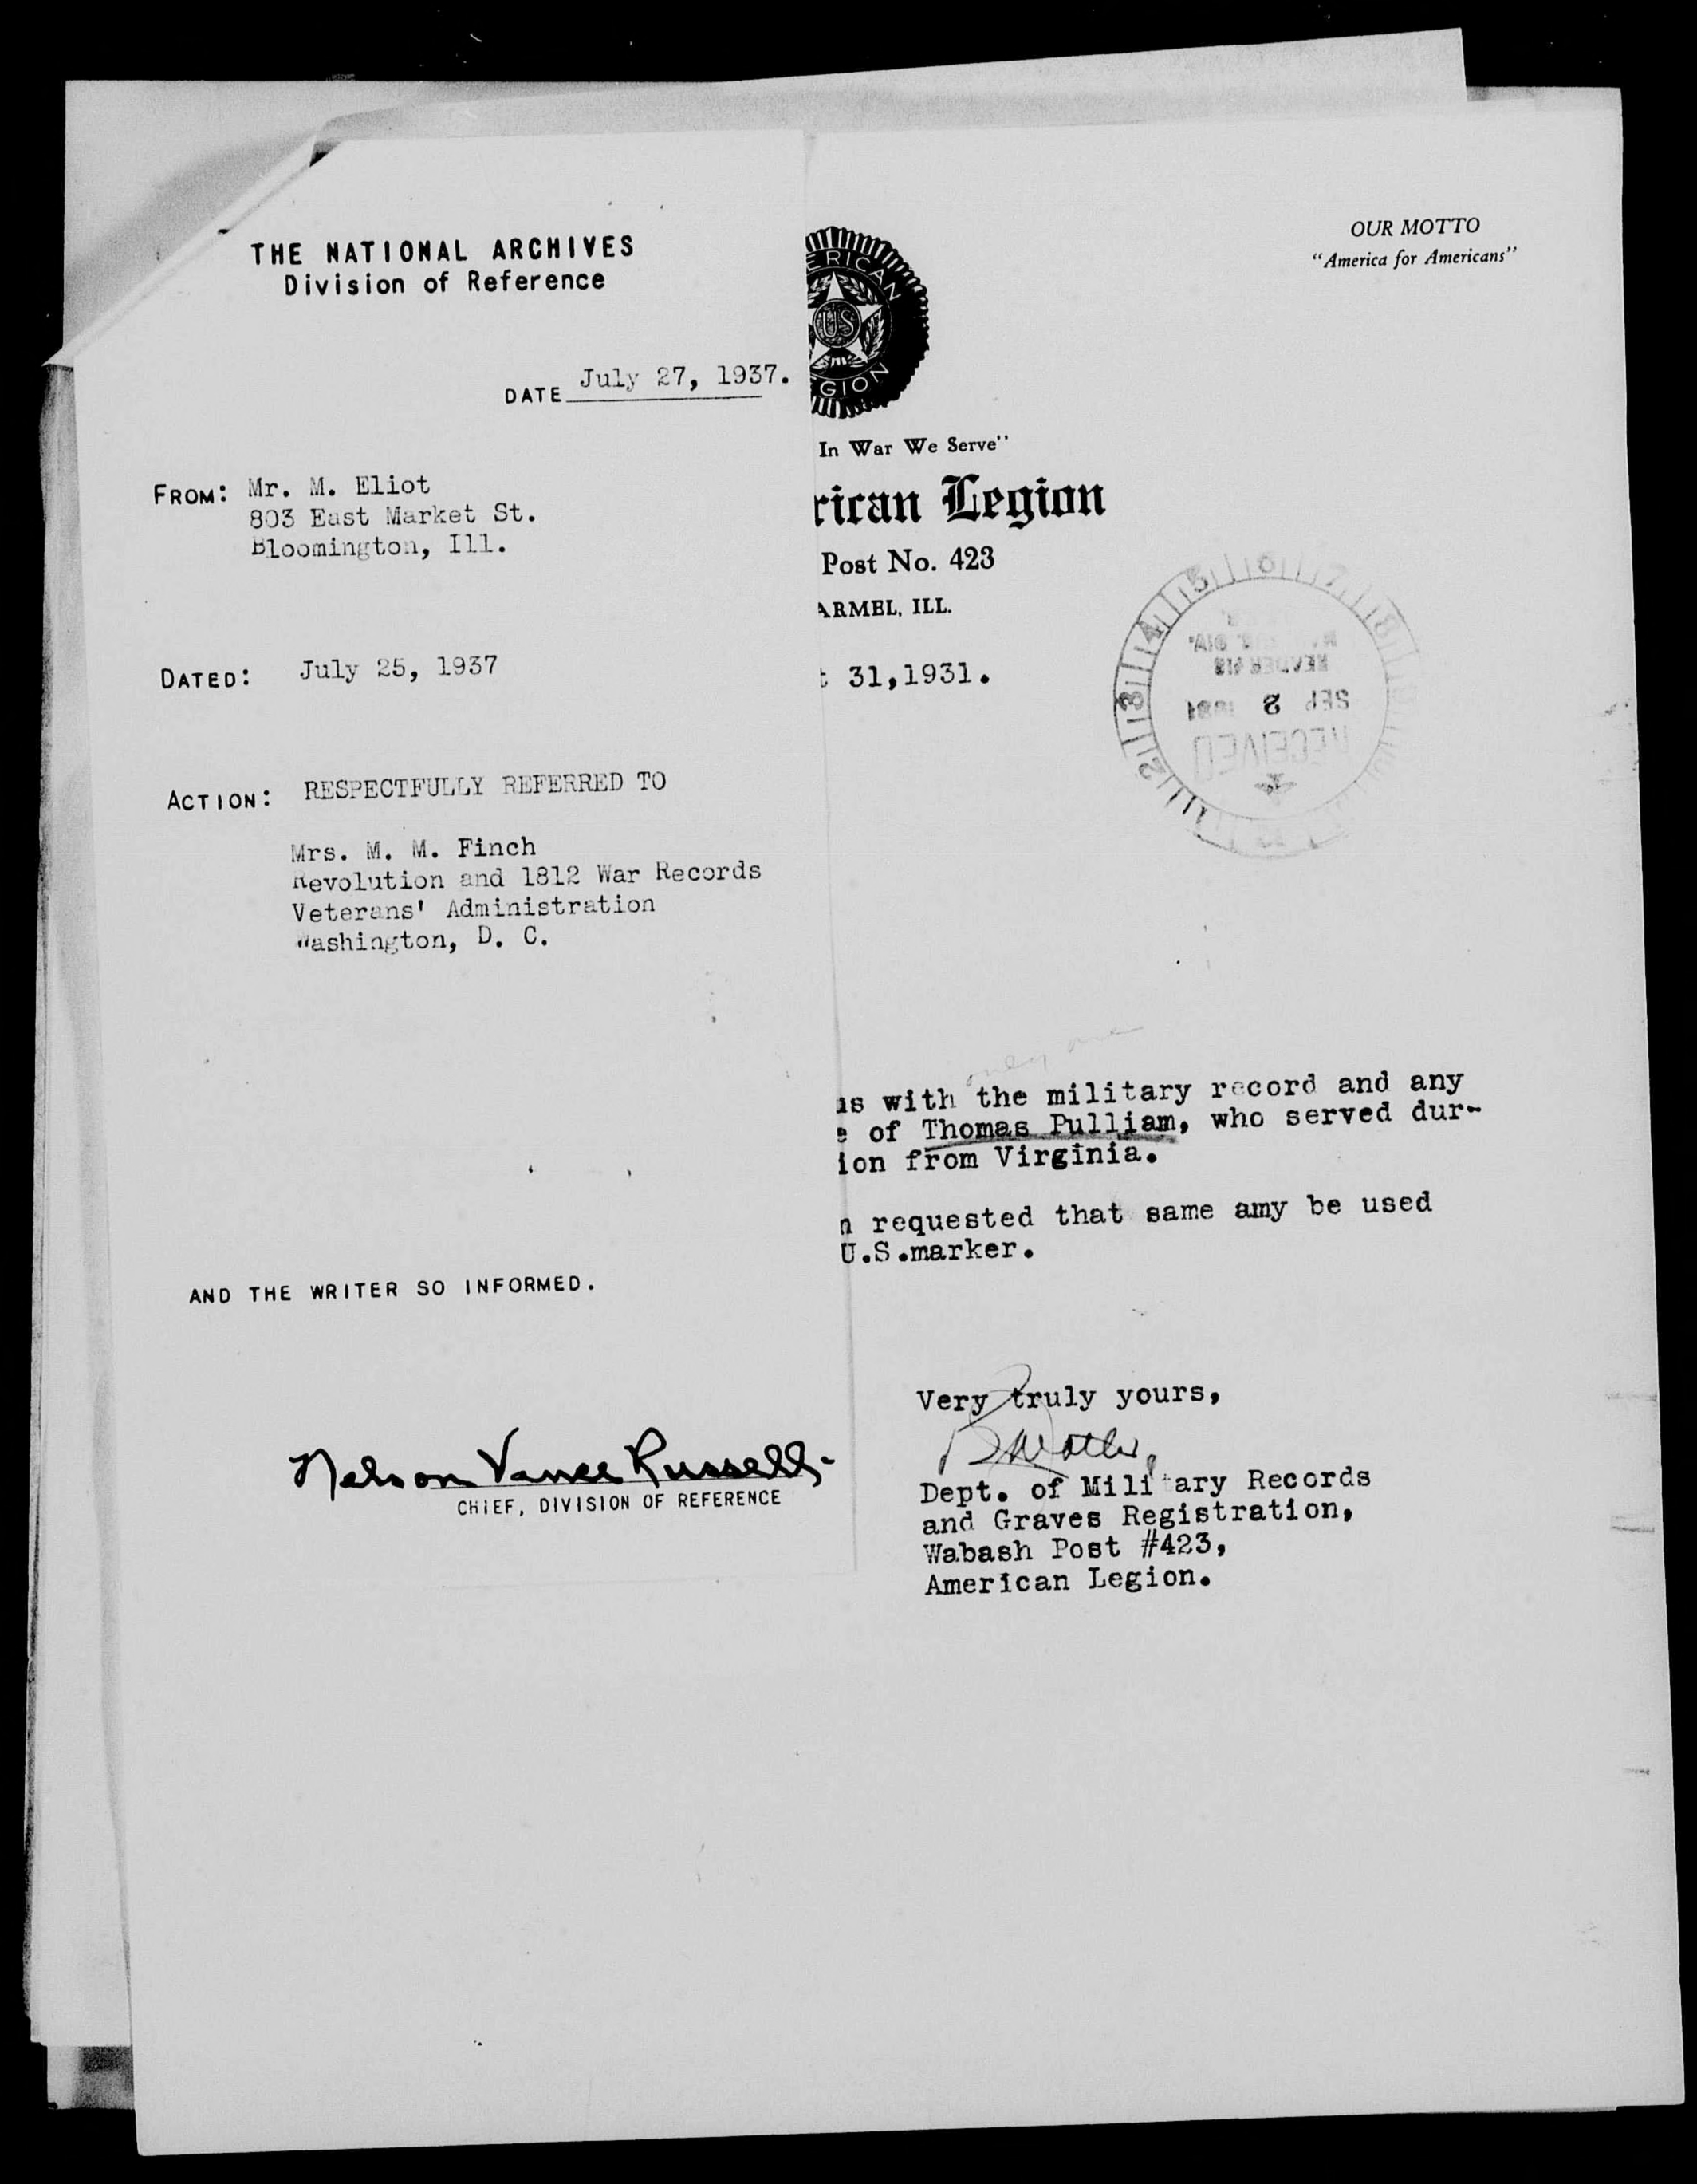[Note that this note was attached to a more lengthy letter on its upper left corner obscuring some of the text of the more lengthy  note.]

THE NATIONAL ARCHIVES
Division of Reference

DATE July 27, 1937.

FROM: Mr. M. Eliot
803 East Market St.

DATED: July 25, 1937
Bloomington, Ill.

ACTION: RESPECTFULLY REFERRED TO
Mrs. M. M. Finch
Revolution and 1812 War Records
Veterans' Administration
Washington, D. C.

AND THE WRITER SO INFORMED.

Nelson Vance Russell
CHIEF, DIVISION OF REFERENCE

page: 17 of 27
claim: survivor's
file: S. 5,955, for Thomas Pulliam, Virginia